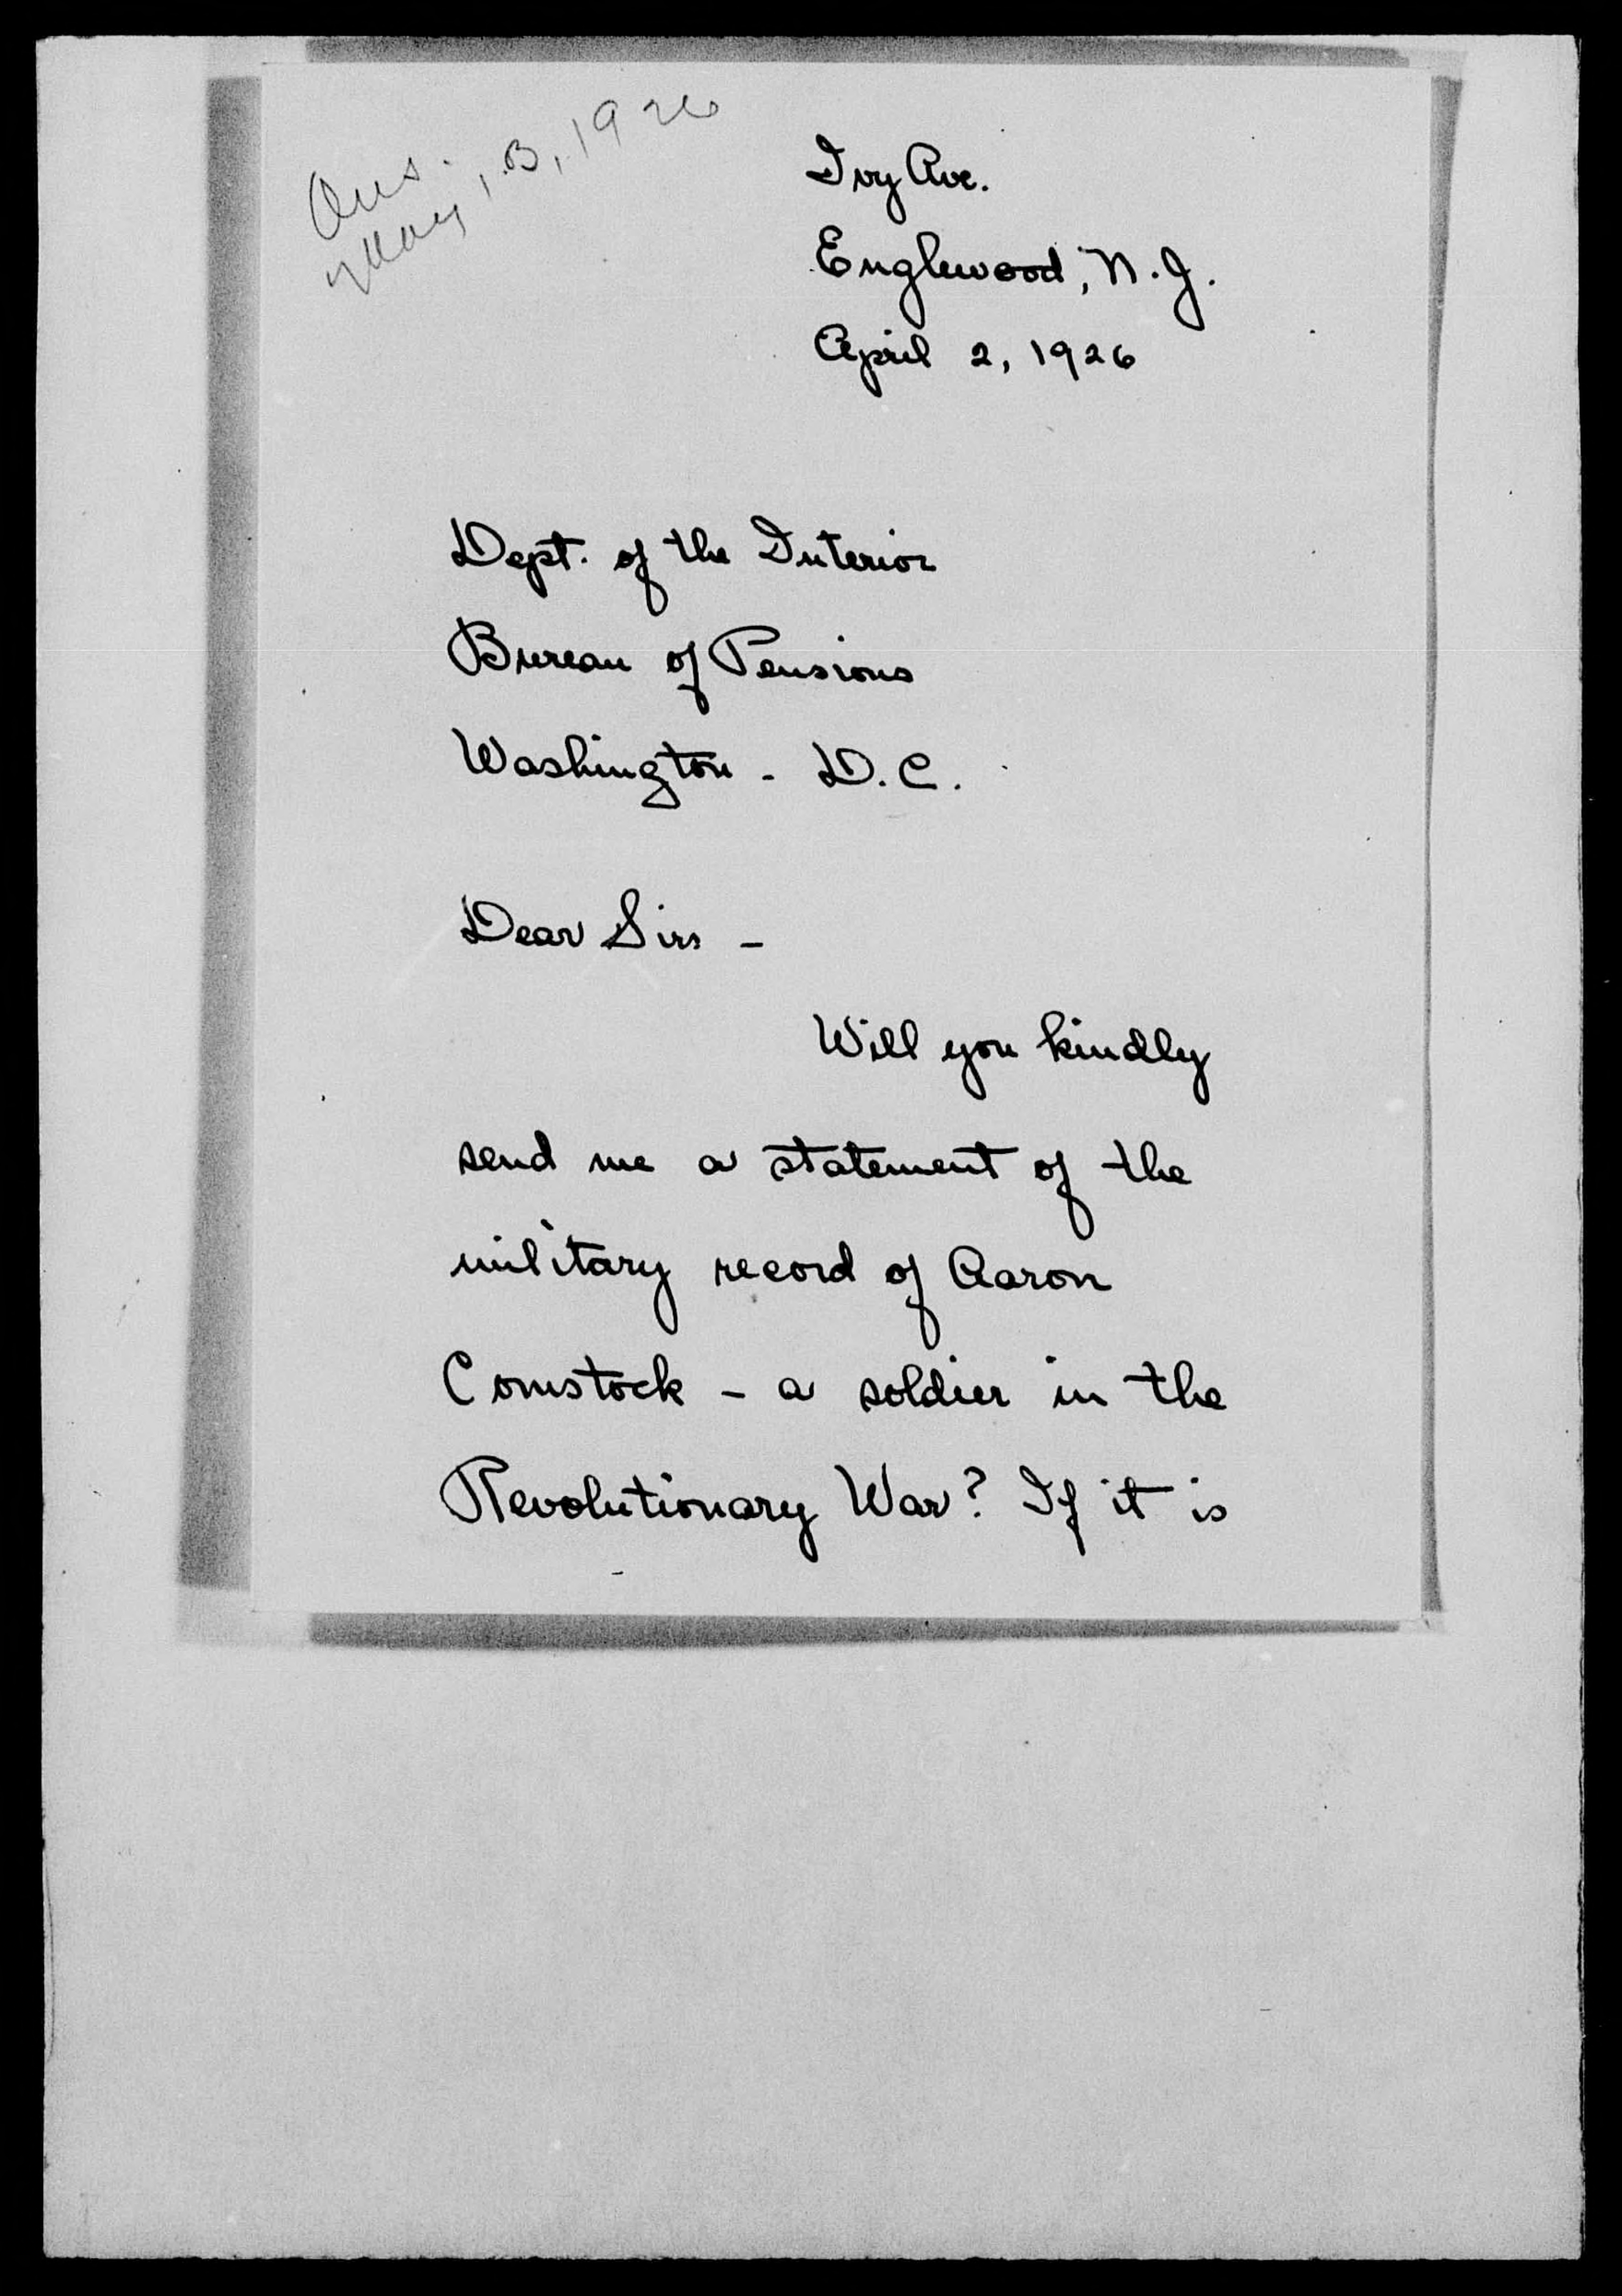Aus.
May 13, 1926

Ivy Ave.
Englewood, N. J.
April 2, 1926

Dept. of the Interior
Bureau of Pensions
Washington. D. C.

Dear Sirs -

Will you kindly send me a statement of the military record of Aaron Comstock - a soldier in the Revolutionary War? If it is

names: Aaron Comstock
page: 28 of 43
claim: widow's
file: W. 17,647, Aaron Comstock, Conn.